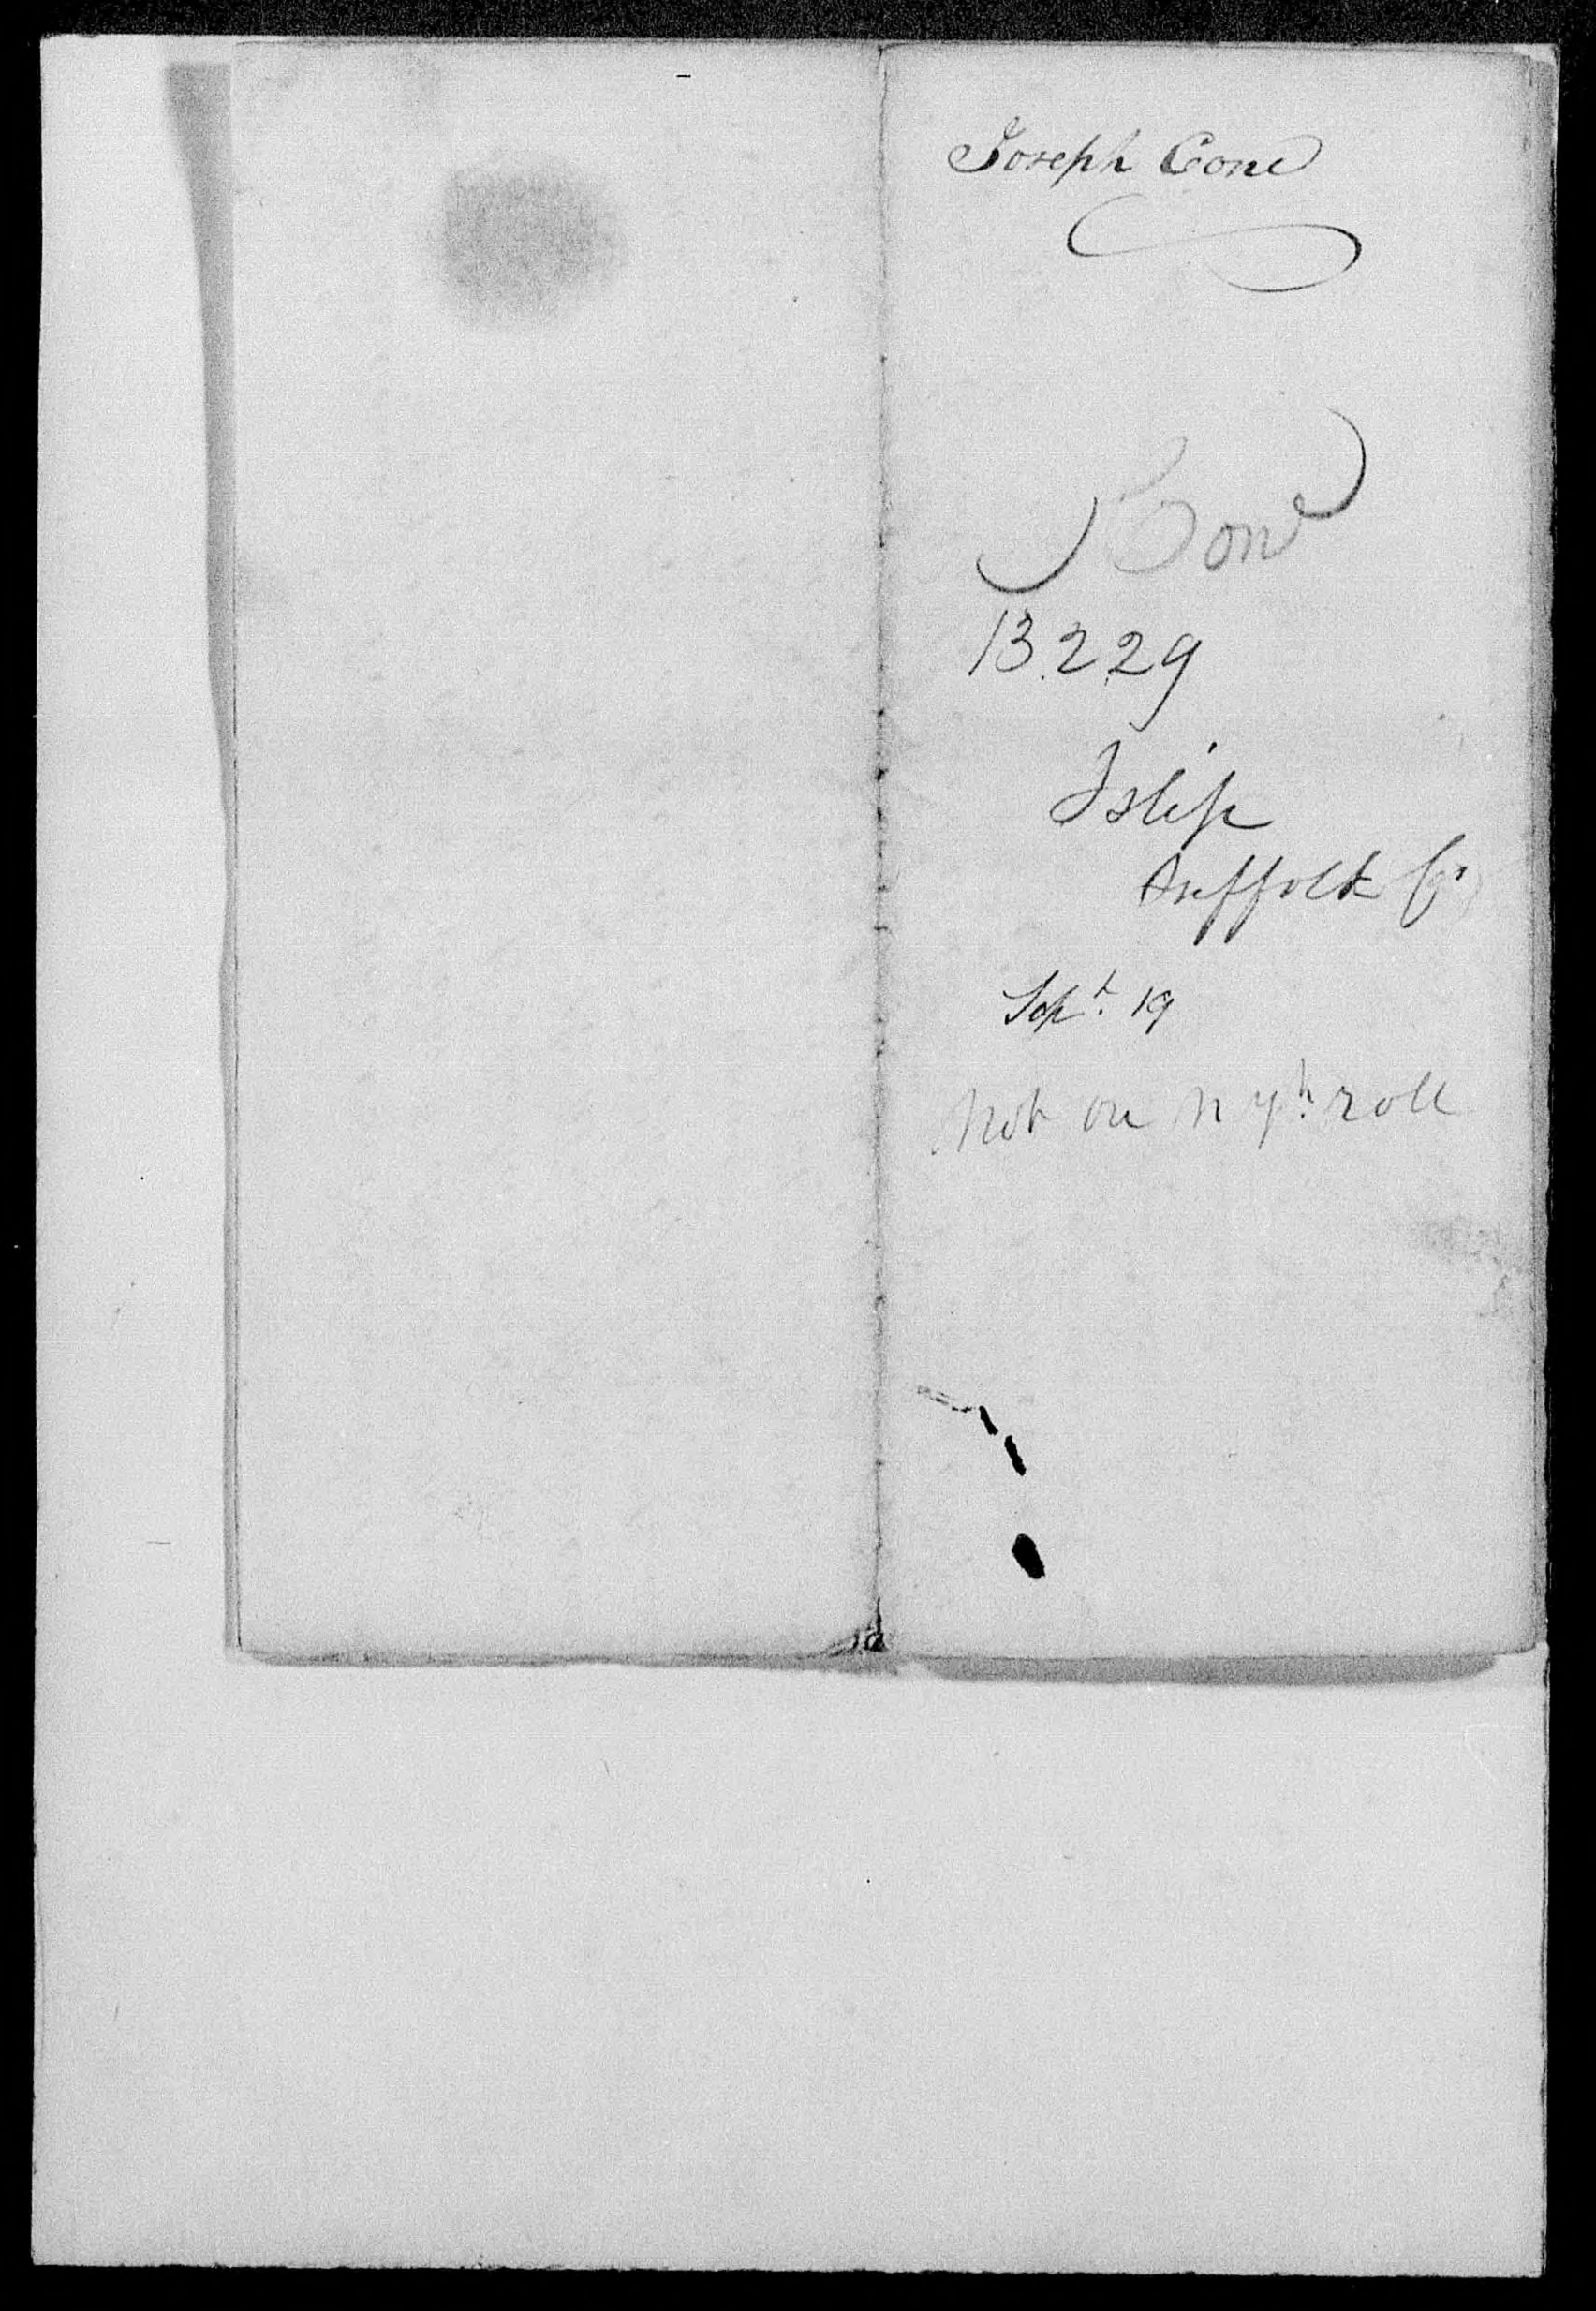Joseph Cone

Cont
13.229

Islip
Suffolk Co

Sept. 19

Not on N Yk. roll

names: Cone, Joseph Cone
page: 7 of 28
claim: survivor's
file: S. 12569, Joseph Cone, Conn Continental